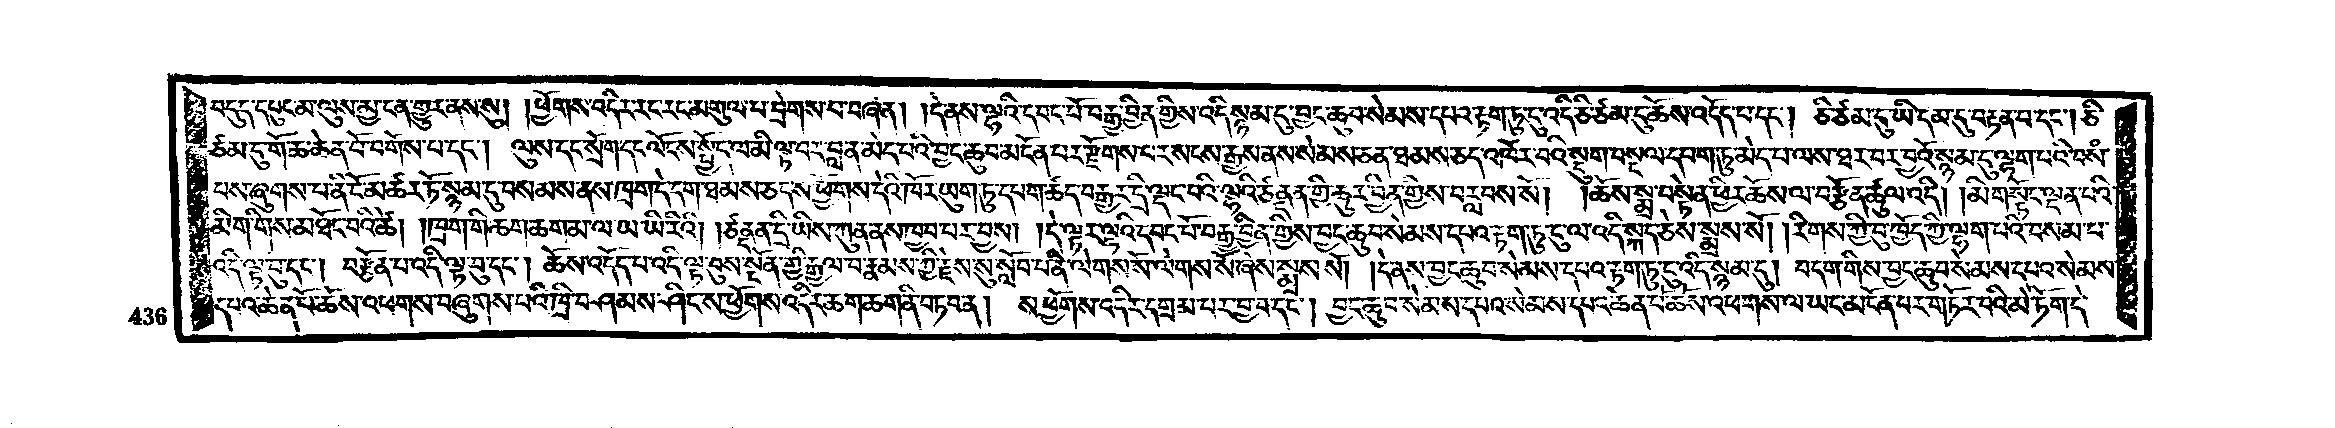བདུད་དཔུང་མ་ལུས་མྱ་ངན་གྱུར་ནས་སུ། །ཕྱོགས་འདིར་རང་རང་མགུལ་པ་བྲེགས་པ་བཞིན། །དེ་ནས་ལྷའི་དབང་པོ་བརྒྱ་བྱིན་གྱིས་འདི་སྙམ་དུ་བྱང་ཆུབ་སེམས་དཔའ་རྟག་ཏུ་ངུ་འདི་ཅི་ཙམ་དུ་ཆོས་འདོད་པ་དང་། ཅི་ཙམ་དུ་ཡི་དམ་དུ་བརྟན་པ་དང་། ཅི་
ཙམ་དུ་གོ་ཆ་ཆེན་པོ་བགོས་པ་དང་། ལུས་དང་སྲོག་དང་ལོངས་སྤྱོད་ལ་མི་ལྟ་བར་བླ་ན་མེད་པའི་བྱང་ཆུབ་མངོན་པར་རྫོགས་པར་སངས་རྒྱས་ནས་སེམས་ཅན་ཐམས་ཅད་འཁོར་བའི་སྡུག་བསྔལ་དཔག་ཏུ་མེད་པ་ལས་ཐར་བར་བྱའོ་སྙམ་དུ་ལྷག་པའི་བསམ་
པས་ཞུགས་པ་ནི་ངོ་མཚར་ཏེ་སྙམ་དུ་བསམས་ནས་ཁྲག་དེ་དག་ཐམས་ཅད་ས་ཕྱོགས་དེའི་ཁོར་ཡུག་ཏུ་དཔག་ཚད་བརྒྱར་དྲི་ལྡང་བའི་ལྷའི་ཙན་དན་གྱི་ཆུར་བྱིན་གྱིས་བརླབས་སོ། །ཆོས་སྨྲ་བསྟེན་ཕྱིར་ཆོས་ལ་བརྩོན་ཚུལ་འདི། །མིག་སྟོང་ལྡན་པའི་
མིག་གིས་མཐོང་བའི་ཚེ། །ཁྲག་གི་ཆག་ཆག་མ་ལ་ཡ་ཡི་རིའི། །ཙན་དན་དྲི་ཡིས་ཀུན་ནས་ཁྱབ་པར་བྱས། །དེ་ལྟར་ལྷའི་དབང་པོ་བརྒྱ་བྱིན་གྱིས་བྱང་ཆུབ་སེམས་དཔའ་རྟག་ཏུ་ངུ་ལ་འདི་སྐད་ཅེས་སྨྲས་སོ། །རིགས་ཀྱི་བུ་ཁྱོད་ཀྱི་ལྷག་པའི་བསམ་པ་
འདི་ལྟ་བུ་དང་། བརྩོན་པ་འདི་ལྟ་བུ་དང་། ཆོས་འདོད་པ་འདི་ལྟ་བུས་སྔོན་གྱི་རྒྱལ་བ་རྣམས་ཀྱི་རྗེས་སུ་སློབ་པ་ནི་ལེགས་སོ་ལེགས་སོ་ཞེས་སྨྲས་སོ། །དེ་ནས་བྱང་ཆུབ་སེམས་དཔའ་རྟག་ཏུ་ངུ་འདི་སྙམ་དུ། བདག་གིས་བྱང་ཆུབ་སེམས་དཔའ་སེམས་
དཔའ་ཆེན་པོ་ཆོས་འཕགས་བཞུགས་པའི་ཁྲི་བཤམས་ཤིང་ས་ཕྱོགས་འདིར་ཆག་ཆག་ནི་བཏབ་ན། ས་ཕྱོགས་འདིར་དགྲམ་པར་བྱ་བ་དང་། བྱང་ཆུབ་སེམས་དཔའ་སེམས་དཔའ་ཆེན་པོ་ཆོས་འཕགས་ལ་ཡང་མངོན་པར་གཏོར་བའི་མེ་ཏོག་དེ་